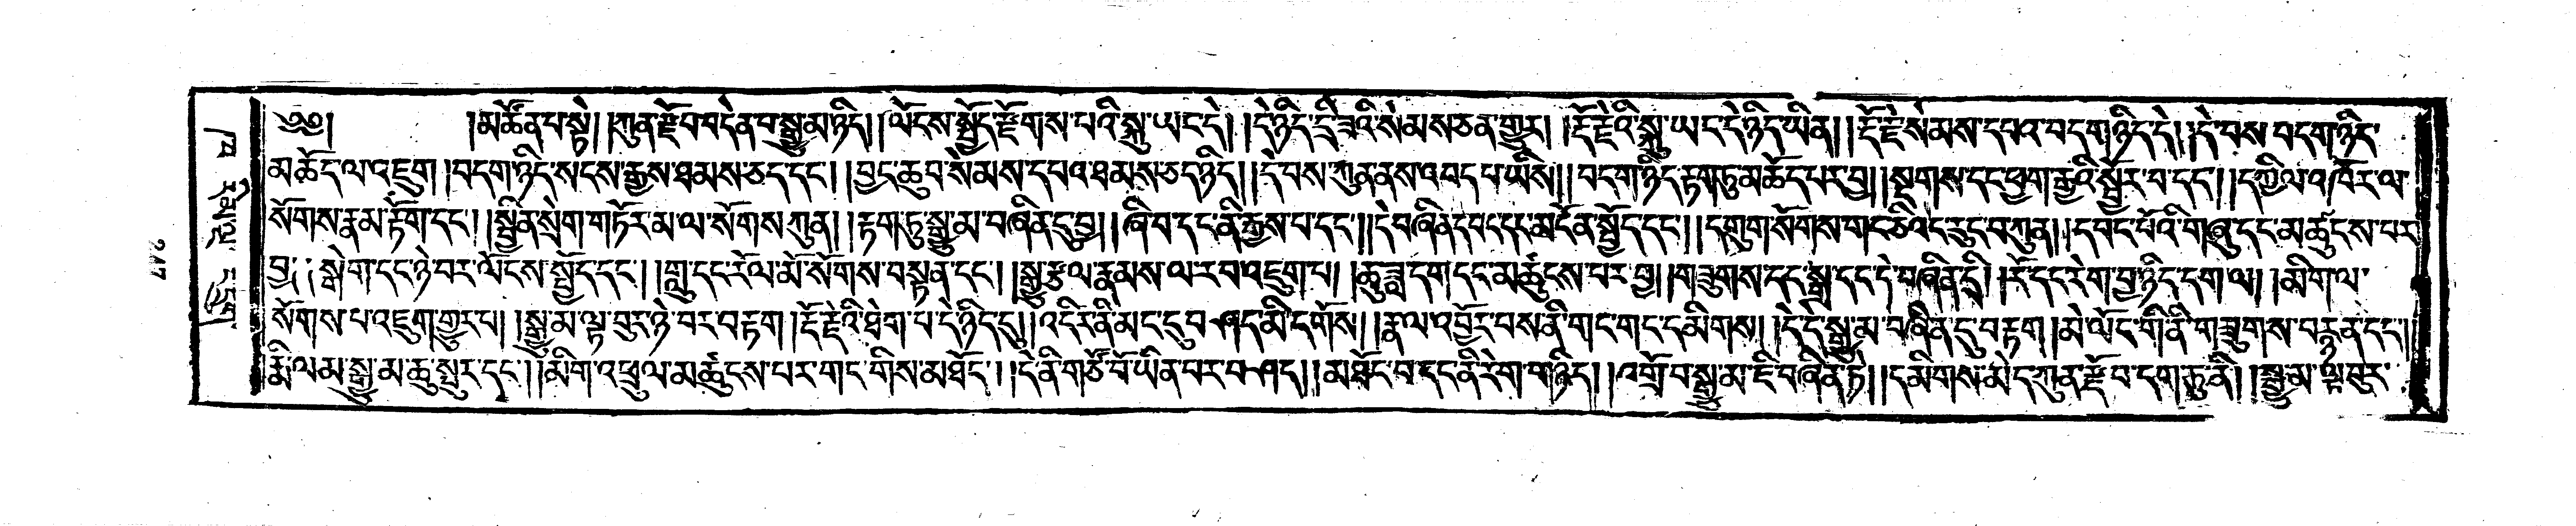༄༅། །མཚོན་པ་སྟེ། །ཀུན་རྫོབ་བདེན་པ་སྒྱུ་མ་ཉིད། །ལོངས་སྤྱོད་རྫོགས་པའི་སྐུ་ཡང་དེ། །དེ་ཉིད་དྲི་ཟའི་སེམས་ཅན་གྱུར། །རྡོ་རྗེའི་སྐུ་ཡང་དེ་ཉིད་ཡིན། །རྡོ་རྗེ་སེམས་དཔའ་བདག་ཉིད་དེ། །དེ་བས་བདག་ཉིད་
མཆོད་ལ་འཇུག །བདག་ཉིད་སངས་རྒྱས་ཐམས་ཅད་དང་། །བྱང་ཆུབ་སེམས་དཔའ་ཐམས་ཅད་ཉིད། །དེ་བས་ཀུན་ནས་འབད་པ་ཡིས། །བདག་ཉིད་རྟག་ཏུ་མཆོད་པར་བྱ། །སྔགས་དང་ཕྱག་རྒྱའི་སྦྱོར་བ་དང་། །དཀྱིལ་འཁོར་ལ་
སོགས་རྣམ་རྟོག་དང་། །སྦྱིན་སྲེག་གཏོར་མ་ལ་སོགས་ཀུན། །རྟག་ཏུ་སྒྱུ་མ་བཞིན་དུ་བྱ། །ཞི་བ་དང་ནི་རྒྱས་པ་དང་། །དེ་བཞིན་དབང་དང་མངོན་སྤྱོད་དང་། །དགུག་སོགས་གང་ཅིའང་རུང་བ་ཀུན། །དབང་པོའི་གཞུ་དང་མཚུངས་པར་
བྱ༑ ༑སྒེག་དང་ཉེ་བར་ལོངས་སྤྱོད་དང་། །གླུ་དང་རོལ་མོ་སོགས་བསྟན་དང་། །སྒྱུ་རྩལ་རྣམས་ལ་རབ་འཇུག་པ། །ཆུ་ཟླ་དག་དང་མཚུངས་པར་བྱ། །གཟུགས་དང་སྒྲ་དང་དེ་བཞིན་དྲི། །རོ་དང་རོག་བྱ་ཉིད་དག་ལ། །མིག་ལ་
སོགས་པ་འཇུག་གྱུར་པ། །སྒྱུ་མ་ལྟ་བུར་ཉེ་བར་བརྟག །རྡོ་རྗེའི་ཐེག་པ་དེ་ཉིད་དུ། །འདིར་ནི་མང་དུ་བཤད་མི་དགོས། །རྣལ་འབྱོར་བས་ནི་གང་གང་དམིགས། །དེ་དེ་སྒྱུ་མ་བཞིན་དུ་བརྟག །མེ་ལོང་གི་ནི་གཟུགས་བརྙན་དང་།
རྨི་ལམ་སྒྱུ་མ་ཆུ་སྦུར་དང་། །མིག་འཕྲུལ་མཚུངས་པར་གང་གིས་མཐོང་། །དེ་ནི་གཙོ་བོ་ཡིན་པར་བཤད། །མཐོང་བ་དང་ནི་རེག་པ་ཉིད། །འགྲོ་བ་སྒྱུ་མ་ཇི་བཞིན་ཏེ། །དམིགས་མེད་ཀུན་རྫོབ་དག་ཏུ་ནི། །སྒྱུ་མ་ལྟ་བུར་